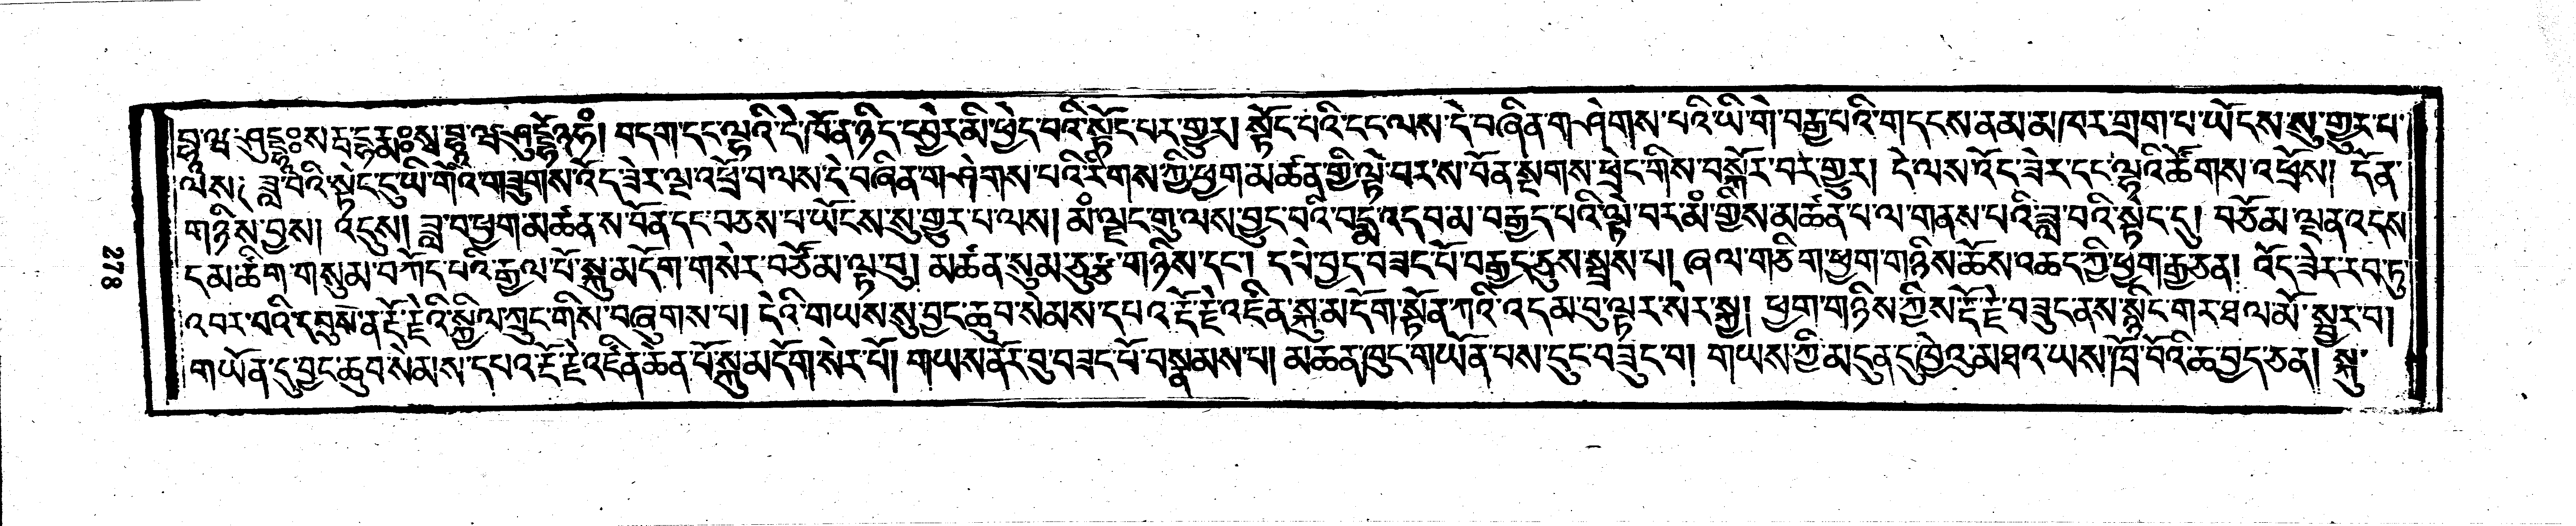བྷཱ་ཝ་ཤུདྡྷཱཿ སརྦ་དྷརྨཿ སྭ་བྷཱ་ཝ་ཤུདྡྷོཉཧཾ། བདག་དང་ལྷའི་དེ་ཁོ་ན་ཉིད་དབྱེར་མི་ཕྱེད་པའི་སྟོང་པར་གྱུར། སྟོང་པའི་ངང་ལས་དེ་བཞིན་གཤེགས་པའི་ཡི་གེ་བརྒྱ་པའི་གདངས་ནམ་མཁར་གྲག་པ་ཡོངས་སུ་གྱུར་པ་
ལས༑ ཟླ་བའི་སྟེང་དུ་ཡི་གེའི་གཟུགས་འོད་ཟེར་ལྔ་འཕྲོ་བ་ལས་དེ་བཞིན་གཤེགས་པའི་རིགས་ཀྱི་ཕྱག་མཚན་གྱི་ལྟེ་བར་ས་བོན་སྔགས་ཕྲེང་གིས་བསྐོར་བར་གྱུར། དེ་ལས་འོད་ཟེར་དང་ལྷའི་ཚོགས་འཕྲོས། དོན་
གཉིས་བྱས། འདུས། ཟླ་བ་ཕྱག་མཚན་ས་བོན་དང་བཅས་པ་ཡོངས་སུ་གྱུར་པ་ལས། མཾ་ལྗང་གུ་ལས་བྱུང་བའི་པདམ་འདབ་མ་བརྒྱད་པའི་ལྟེ་བར་མཾ་གྱིས་མཚན་པ་ལ་གནས་པའི་ཟླ་བའི་སྟེང་དུ། བཅོམ་ལྡན་འདས་
དམ་ཚིག་གསུམ་བཀོད་པའི་རྒྱལ་པོ་སྐུ་མདོག་གསེར་བཙོ་མ་ལྟ་བུ། མཚན་སུམ་ཅུ་རྩ་གཉིས་དང་། དཔེ་བྱད་བཟང་པོ་བརྒྱད་ཅུས་སྤྲས་པ། ཞལ་གཅིག་ཕྱག་གཉིས་ཆོས་འཆད་ཀྱི་ཕྱག་རྒྱ་ཅན། འོད་ཟེར་རབ་ཏུ་
འབར་བའི་དབུས་ན་རྡོ་རྗེའི་སྐྱིལ་ཀྲུང་གིས་བཞུགས་པ། དེའི་གཡས་སུ་བྱང་ཆུབ་སེམས་དཔའ་རྡོ་རྗེ་འཛིན་སྐུ་མདོག་སྟོན་ཀའི་འདམ་བུ་ལྟར་སེར་སྐྱ། ཕྱག་གཉིས་ཀྱིས་རྡོ་རྗེ་བཟུང་ནས་སྙིང་གར་ཐལ་མོ་སྦྱར་བ།
གཡོན་དུ་བྱང་ཆུབ་སེམས་དཔའ་རྡོ་རྗེ་འཛིན་ཆེན་པོ་སྐུ་མདོག་སེར་པོ། གཡས་ནོར་བུ་བཟང་པོ་བསྣམས་པ། མཆན་ཁུང་གཡོན་པས་དུང་བཟུང་བ། གཡས་ཀྱི་མདུན་དུ་ཁྱེའུ་མཐའ་ཡས་ཁྲོ་བོའི་ཆ་བྱད་ཅན། སྐུ་